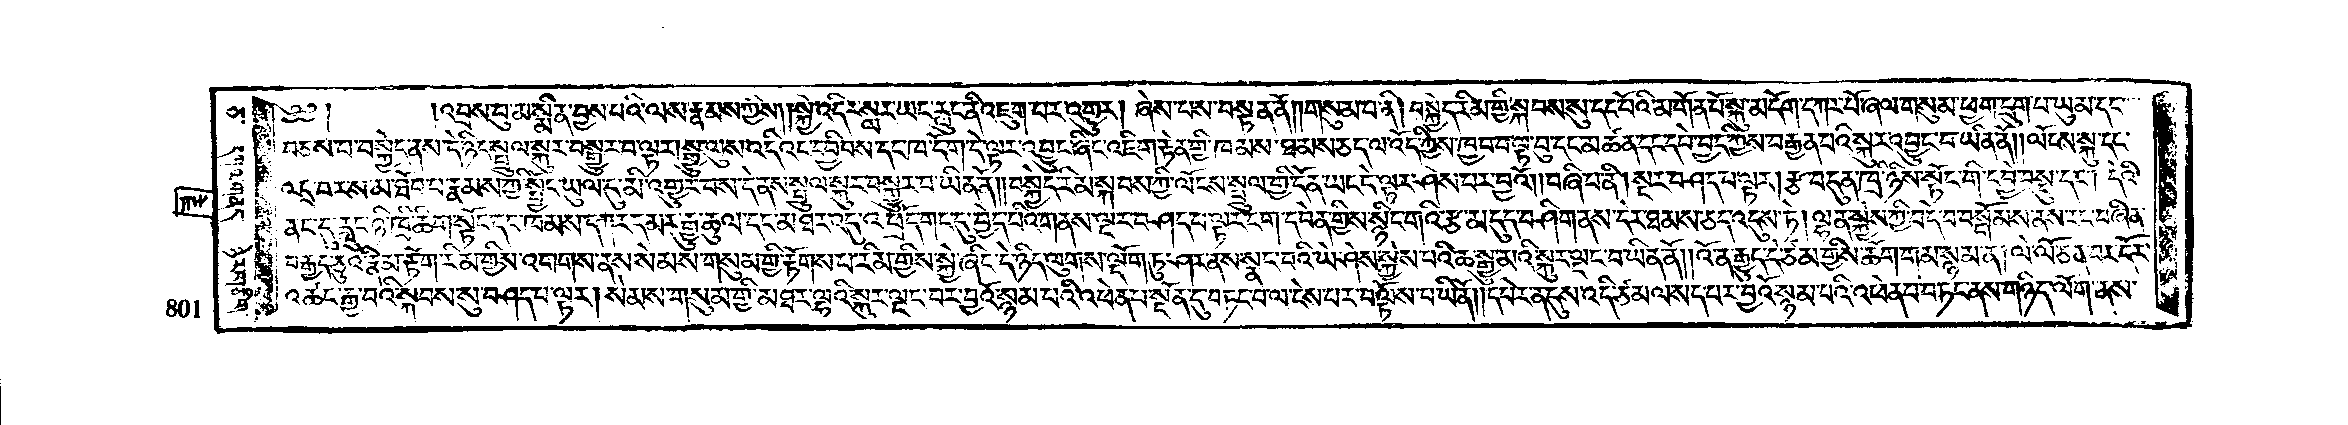༄༅། །འབྲས་བུ་མ་སྨིན་བྱས་པའི་ལས་རྣམས་ཀྱིས། །སྐྱེ་འདིར་སླར་ཡང་རླུང་ནི་འཇུག་པར་འགྱུར། ཞེས་པས་བསྟན་ནོ། །གསུམ་པ་ནི། བསྐྱེད་རིམ་གྱི་སྐབས་སུ་དང་པོའི་མགོན་པོ་སྐུ་མདོག་དཀར་པོ་ཞལ་གསུམ་ཕྱག་དྲུག་པ་ཡུམ་དང་
བཅས་པ་བསྐྱེད་ནས་དེ་ཉིད་སྤྲུལ་སྐུར་བསྒྱུར་བ་ལྟར། སྒྱུ་ལུས་འདིའང་དབྱིབས་དང་ཁ་དོག་དེ་ལྟར་འབྱུང་ཞིང་འཇིག་རྟེན་གྱི་ཁམས་ཐམས་ཅད་ལ་འོད་ཀྱིས་ཁྱབ་པ་ལྟ་བུ་དང་མཚན་དང་དཔེ་བྱད་ཀྱིས་བརྒྱན་པའི་སྐུར་འབྱུང་བ་ཡིན་ནོ། །ལོངས་སྐུ་དང་
འདྲ་བར་ས་མ་ཐོབ་པ་རྣམས་ཀྱི་སྤྱོད་ཡུལ་དུ་མི་འགྱུར་བས་དེ་ནས་སྤྲུལ་སྐུར་བསྒྱུར་བ་ཡིན་ནོ། །བསྐྱེད་རིམ་སྐབས་ཀྱི་ལོངས་སྤྲུལ་གྱི་དོན་ཡང་དེ་ལྟར་ཤེས་པར་བྱའོ། །བཞི་པ་ནི། སྔར་བཤད་པ་ལྟར། རྩ་བདུན་ཁྲི་ཉིས་སྟོང་གི་དབྱེ་བསྡུ་དང་། དེའི་
ནང་དུ་རླུང་ཉི་ཁྲི་ཆིག་སྟོང་དང་ཁམས་དཀར་དམར་རྒྱུ་ཆུལ་དང་མཐར་འདུ་འཕྲོད་གང་དུ་བྱེད་པའི་གནས་ལྔར་བཤད་པ་ལྟར་ངག་དབེན་གྱིས་སྙིང་གའི་རྩ་མདུད་བཤིག་ནས་དེར་ཐམས་ཅད་འདུས་ཏེ། ལྷན་སྐྱེས་ཀྱི་བདེ་བ་བསྒོམས་ནས་རང་བཞིན་
བརྒྱད་ཅུའི་རྣམ་རྟོག་རིམ་གྱིས་འགགས་ནས་སེམས་གསུམ་གྱི་རྟོགས་པ་རིམ་གྱིས་སྐྱེ་ཞིང་དེ་ཉིད་ལུགས་ལྡོག་ཏ་ཤར་ནས་སྣང་བའི་ཡེ་ཤེས་སྐྱེས་བའི་ཆ་སྒྱུ་མའི་སྐུར་ལྡང་བ་ཡིན་ནོ། །འོ་ན་རྒྱུད་དེ་ཙམ་གྱིས་ཆོག་གམ་སྙམ་ན། ལེ་ལོ་ཅན་བར་དོར་
འཚང་རྒྱ་བའི་སྐབས་སུ་བཤད་པ་ལྟར། སེམས་གསུམ་གྱི་མཐར་ལྷའི་སྐུར་ལྡང་བར་བྱའོ་སྙམ་པའི་འཕེན་པ་སྔོན་དུ་བཏང་བ་ལ་ངེས་པར་བལྟོས་པ་ཡིན་ནོ། །དཔེར་ན་དུས་འདི་ཙམ་ལས་ད་བར་བྱའོ་སྙམ་པའི་འཕེན་པ་བཏང་ནས་གཉིད་ལོག་ནས་